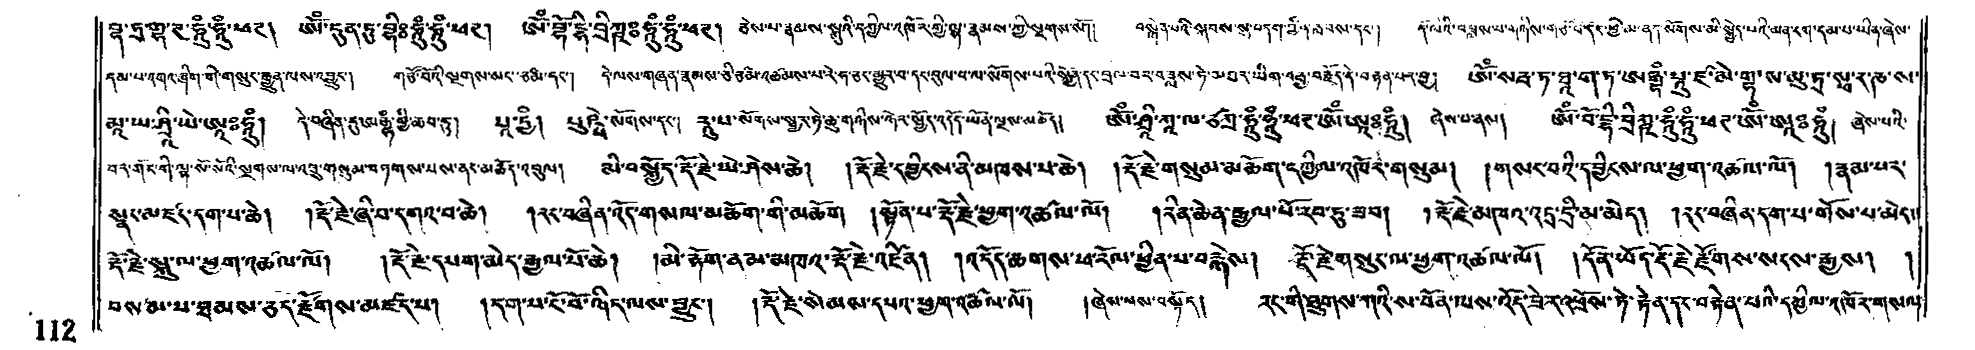བྷ་ཏྲ་གྷ་ཊ་ཧཱུཾ་ཧཱུཾ་ཕཊ། ཨོཾ་དུན་ཏུ་བྷིཿ ཧཱུཾ་ཧཱུཾ་ཕཊ། ཨོཾ་བྷོ་དྷི་བྲིཀྵཿ ཧཱུཾ་ཧཱུཾ་ཕཊ། ཅེས་པ་རྣམས་སྐུའི་དཀྱིལ་འཁོར་གྱི་ལྷ་རྣམས་ཀྱི་སྔགས་སོ། བསྙེན་པའི་སྐབས་སུ་བདག་བྱིན་རླབས་དང་། དོ་ལེའི་བཟླས་པ་གཉིས་གཙོ་བོ་དང་ཕྱི་མ་ནད་སོགས་མི་སྐྱེད་པའི་མན་ངག་དམ་པ་ཡིན་ཞེས་
དམ་པ་འགའ་ཞིག་གི་གསུང་རྒྱུན་ལས་འབྱུང་། གཙོ་བོའི་སྔགས་མང་ཙམ་དང་། དེ་ལས་གཞན་རྣམས་ཅི་ཙམ་འཚམས་པ་རེ་ཧ་ཅང་མྱུར་བ་དང་བུལ་བ་ལ་སོགས་པའི་སྐྱོན་དང་བྲལ་བར་བཟླས་ཏེ་མཐར་ཡིག་བརྒྱ་བརྗོད་དེ་བརྟན་པར་བྱ། ཨོཾ་སརྦ་ཏ་ཐཱ་ག་ཏ་ཨརྒྷཾ་པཱུ་ཛ་མེ་གྷ་ས་མུ་ཏྲ་སྥ་ར་ཎ་ས་
མཱ་ཡ་ཤྲཱི་ཡེ་ཨཱཿ ཧཱུཾ། དེ་བཞིན་དུ་ཨརྒྷཾ་གྱི་ཆབ་ཏུ།  པཱ་དྱཾ། པུཥྤེ་སོགས་དང་།  རཱུ་པ་སོགས་སྦྱར་ཏེ་ཆུ་གཉིས་ཉེར་སྤྱོད་འདོད་ཡོན་ལྔས་མཆོད།  ཨོཾ་ཤྲཱི་ཀཱ་ལ་ཙཀྲ་ཧཱུཾ་ཧཱུཾ་ཕཊ་ཨོཾ་ཨཱཿ ཧཱུཾ། ཞེས་པ་ནས།  ཨོཾ་བོ་དྷི་བྲིཀྵ་ཧཱུཾ་ཧཱུཾ་ཕཊ་ཨོཾ་ཨཱཿ ཧཱུཾ། ཞེས་པའི་
བར་གོང་གི་ལྷ་སོ་སོའི་སྔགས་ལ་འབྲུ་གསུམ་བཏགས་པས་ནང་མཆོད་འབུལ། མི་བསྐྱོད་རྡོ་རྗེ་ཡེ་ཤེས་ཆེ། །རྡོ་རྗེ་དབྱིངས་ནི་མཁས་པ་ཆེ། །རྡོ་རྗེ་གསུམ་མཆོག་དཀྱིལ་འཁོར་གསུམ། །གསང་བའི་དབྱིངས་ལ་ཕྱག་འཚལ་ལོ། །རྣམ་པར་
སྣང་མཛད་དག་པ་ཆེ། །རྡོ་རྗེ་ཞི་བ་དགའ་བ་ཆེ། །རང་བཞིན་འོད་གསལ་མཆོག་གི་མཆོག །སྟོན་པ་རྡོ་རྗེ་ཕྱག་འཚལ་ལོ། །རིན་ཆེན་རྒྱལ་པོ་རབ་ཏུ་ཟབ། །རྡོ་རྗེ་མཁའ་འདྲ་དྲི་མ་མེད། །རང་བཞིན་དག་པ་གོས་པ་མེད།
རྡོ་རྗེ་སྐུ་ལ་ཕྱག་འཚལ་ལོ། །རྡོ་རྗེ་དཔག་མེད་རྒྱལ་པོ་ཆེ། །མི་རྟོག་ནམ་མཁའ་རྡོ་རྗེ་འཛིན། །འདོད་ཆགས་ཕ་རོལ་ཕྱིན་པ་བརྙེས། རྡོ་རྗེ་གསུང་ལ་ཕྱག་འཚལ་ལོ། །དོན་ཡོད་རྡོ་རྗེ་རྫོགས་སངས་རྒྱས། །
བསམ་པ་ཐམས་ཅད་རྫོགས་མཛད་པ། །དག་པ་ངོ་བོ་ཉིད་ལས་བྱུང་། །རྡོ་རྗེ་སེམས་དཔའ་ཕྱག་འཚལ་ལོ། །ཞེས་པས་བསྟོད།  རང་གི་ཐུགས་ཀའི་ས་བོན་ལས་འོད་ཟེར་འཕྲོས་ཏེ་རྟེན་དང་བརྟེན་པའི་དཀྱིལ་འཁོར་གསལ་